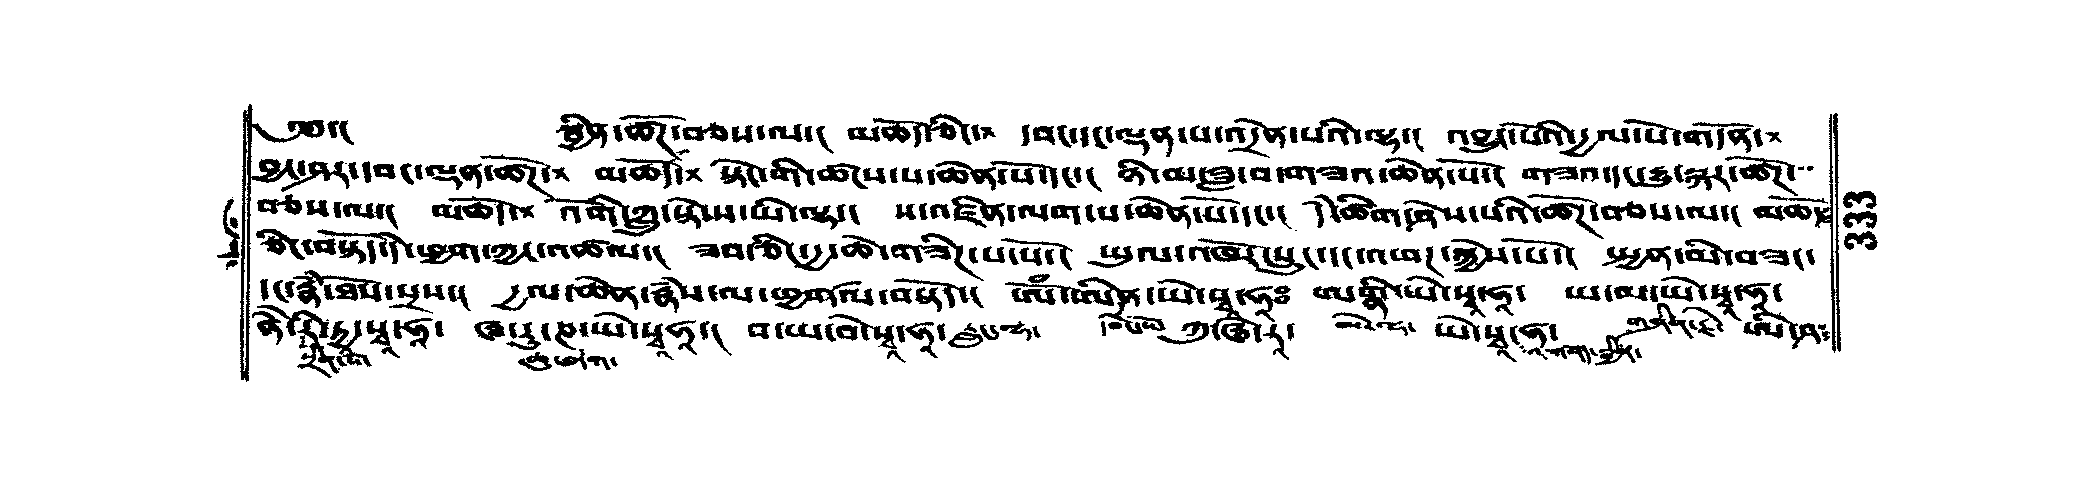སྦྱིན་ཚོགས་བཅས་ལ། །མཆོད་ཅིང་བསྟོད་དེ་ཕྱག་ཀྱང་འཚལ། །དབང་དང་ལྡན་པ་འདྲེན་པའི་ལྷ། །འབྱུང་པོ་རྒྱལ་པོ་གདོན་གྱི་བདག །
བྱང་ཤར་དབང་ལྡན་ཚོགས་བཅས་ལ། །མཆོད་ཅིང་བསྟོད་དེ་ཕྱག་ཀྱང་འཚལ། །སྟེང་གི་ཚངས་པ་ཆེན་པོ་དང་། །ཉི་མ་ཟླ་བ་གཟའ་ཆེན་པོ། །གཟའ་དང་རྒྱུ་སྐར་ཚོགས་
བཅས་ལ། །མཆོད་ཅིང་བསྟོད་དེ་ཕྱག་ཀྱང་འཚལ། །འོག་གི་ཀླུ་སྟེ་ས་ཡི་ལྷ། །ས་འཛིན་ལག་པ་ཆེན་པོ་དང་། །དམ་ཚིག་ཤེས་པའི་ཚོགས་བཅས་ལ། །མཆོད་
ཅིང་བསྟོད་དེ་ཕྱག་ཀྱང་འཚལ། །མཆོད་ཅིང་བསྟོད་དེ་ཕྱག་ཀྱང་འཚལ། །ཟབ་ཅིང་རྒྱ་ཆེ་གཟིགས་པ་པོ། །ཡུལ་འཁོར་སྲུང་དང་འཕགས་སྐྱེས་པོ། །སྤྱན་མི་བཟང་
དང་རྣམ་ཐོས་སྲས། །རྒྱལ་ཆེན་རྣམས་ལ་ཕྱག་འཚལ་བསྟོད། ཨོཾ་ཨིནྡྲ་ཡེ་སྭཱ་ཧཱ། ཨགྣི་ཡེ་སྭཱ་ཧཱ། ཡ་མ་ཡེ་སྭཱ་ཧཱ། 
ནཻ་རི་ཏྱ་སྭཱ་ཧཱ་ཝ་རུ་ཎ་ཡེ་སྭཱ་ཧཱ། བ་ཡ་བེ་སྭཱ་ཧཱ། ཀུ་ཝེ་ར་ཡེ་སྭཱ་ཧཱ། ཨི་ཤ་ན་ཡེ་སྭཱ་ཧཱ། བྲ་ཧྨ་ཎི་སྭཱ་ཧ།